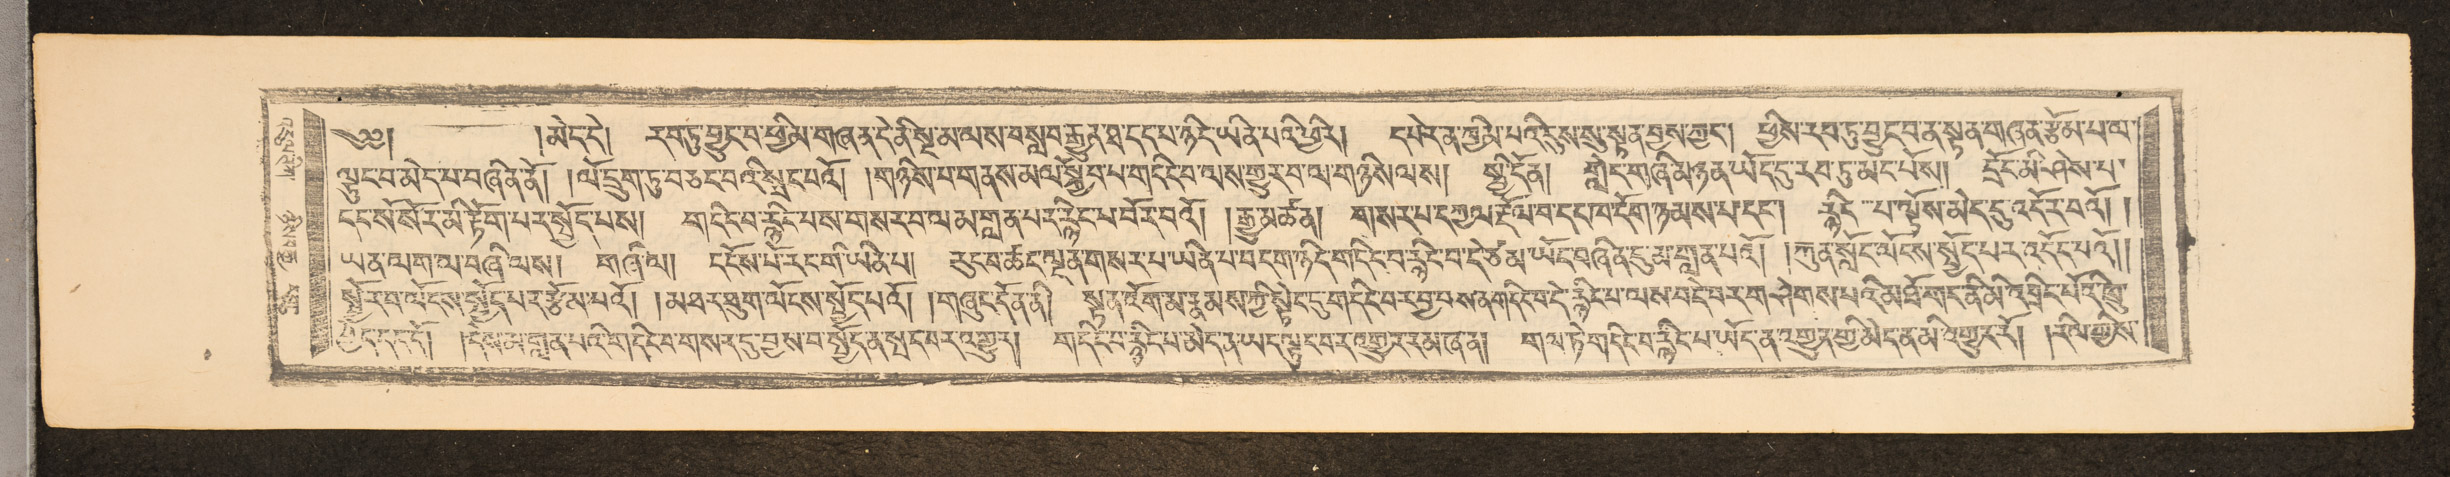༄༅། །མེད་དེ། རབ་ཏུ་བྱུང་བ་ཕྱི་མ་གཞན་དེ་ནི་སྔ་མ་ལས་བསླབ་རྒྱུན་ཐ་དད་པ་ཉིད་ཡིན་པའི་ཕྱིར། དཔེར་ན་ཁྱིམ་པའི་དུས་སུ་སྟན་བྱས་ཀྱང་། ཕྱིས་རབ་ཏུ་བྱུང་བ་ན་སྟན་གཞན་རྩོམ་པ་ལ་
ལྟུང་བ་མེད་པ་བཞིན་ནོ། །ལོ་དྲུག་ཏུ་བཅད་པའི་སྤང་པའོ། །གཉིས་པ་གནས་མལ་སྐྱོབ་པ་གདིང་བ་ལས་གྱུར་པ་ལ་གཉིས་ལས། སྤྱི་དོན། གླེང་གཞི་མཉན་ཡོད་དུ་རབ་ཏུ་མང་པོས། དྲོད་མི་ཤེས་པ་
དང་སོ་སོར་མི་རྟོག་པར་སྤྱོད་པས། གདིང་བ་རྙིང་པས་གསར་བ་ལ་མ་གླན་པར་རྙིང་པ་བོར་པའོ། །རྒྱུ་མཚན། གསར་པ་དཀྱིལ་རྡོལ་བ་དང་ཁ་དོག་ཉམས་པ་དང་། རྙིང་པ་ལྟོས་མེད་དུ་འདོར་བའོ། །
ཡན་ལག་ལ་བཞི་ལས། གཞི་ལ། དངོས་པོ་རང་གི་ཡིན་པ། རུང་བ་ཚད་ལྡན་གསར་པ་ཡིན་པ་བདག་ཉིད་གདིང་བ་རྙིང་པ་དེ་ཙམ་ཡོད་བཞིན་དུ་མ་གླན་པའོ། །ཀུན་སློང་ལོངས་སྤྱོད་པར་འདོད་པའོ།།
སྦྱོར་བ་ལོངས་སྤྱོད་པར་རྩོམ་པའོ། །མཐར་ཐུག་ལོངས་སྤྱོད་པའོ། །གཞུང་དོན་ནི། སྟན་འོག་མ་རྣམས་ཀྱི་སྟེང་དུ་གདིང་བར་བྱ་བས་ན་གདིང་བ་དེ་རྙིང་པ་ལས་བདེ་བར་གཤེགས་པའི་མཐོ་གང་ནི་མི་འབྲིང་པོའི་ཁྲུ་
ཕྱེད་དད་དོ། །དེས་མ་གླན་པའི་གདིང་བ་གསང་དུ་བྱས་པ་སྤྱོད་ན་སྤང་བར་འགྱུར། གདིང་བ་རྙིང་བ་མེད་ན་ཡང་ལྟུང་བར་འགྱུར་རམ་ཞེ་ན། གལ་ཏེ་གདིང་བ་རྙིང་པ་ཡོད་ན་འགྱུར་གྱི་མེད་ན་མི་འགྱུར་རོ། །རིལ་གྱིས་